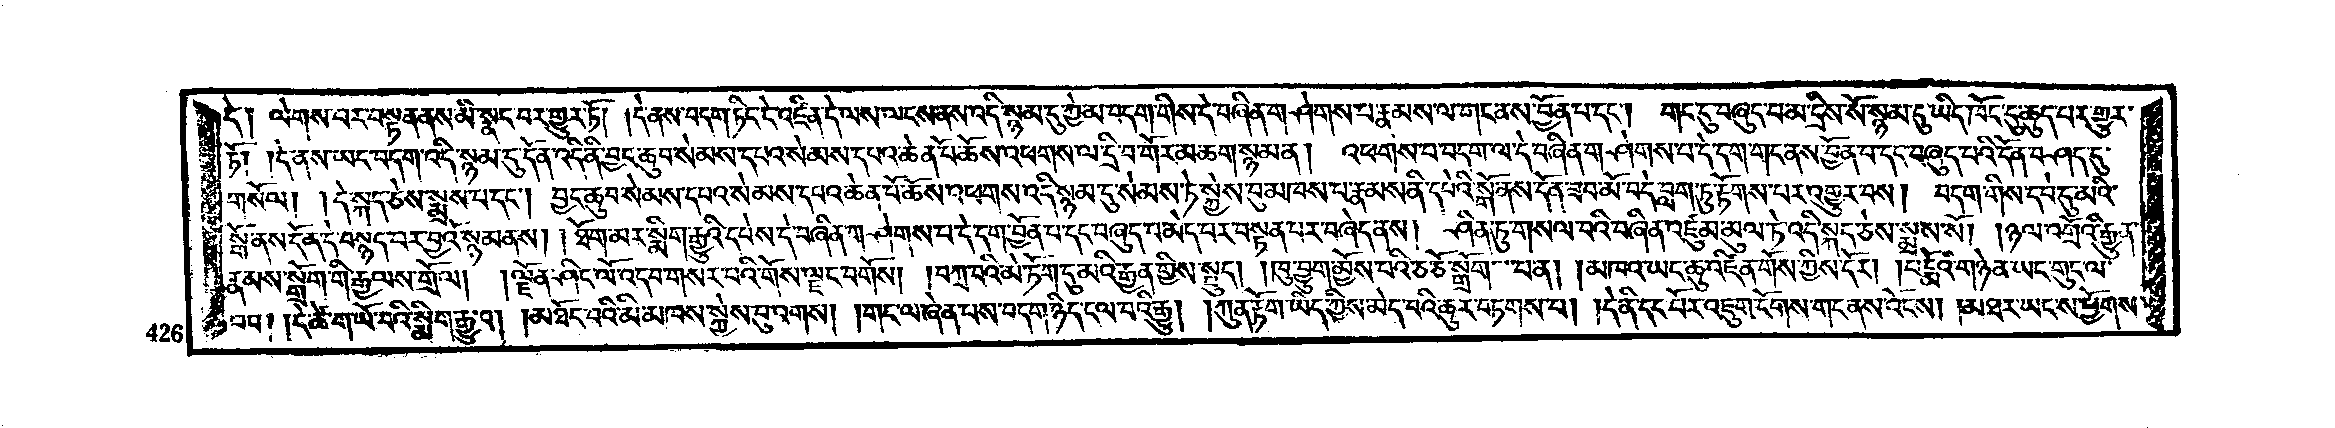དེ། ལེགས་པར་བསྟན་ནས་མི་སྣང་བར་གྱུར་ཏོ། །དེ་ནས་བདག་ཏིང་ངེ་འཛིན་དེ་ལས་ལངས་ནས་འདི་སྙམ་དུ་ཀྱེ་མ་བདག་གིས་དེ་བཞིན་གཤེགས་པ་རྣམས་ལ་གང་ནས་བྱོན་པ་དང་། གང་དུ་བཞུད་པ་མ་དྲིས་སོ་སྙམ་དུ་ཡིད་ཁོང་དུ་ཆུད་པར་གྱུར་
ཏོ། །དེ་ནས་ཡང་བདག་འདི་སྙམ་དུ་དོན་འདི་ནི་བྱང་ཆུབ་སེམས་དཔའ་སེམས་དཔའ་ཆེན་པོ་ཆོས་འཕགས་ལ་དྲི་བ་གོར་མ་ཆག་སྙམ་ན། འཕགས་པ་བདག་ལ་དེ་བཞིན་གཤེགས་པ་དེ་དག་གང་ནས་བྱོན་པ་དང་བཞུད་པའི་དོན་བཤད་དུ་
གསོལ། །དེ་སྐད་ཅེས་སྨྲས་པ་དང་། བྱང་ཆུབ་སེམས་དཔའ་སེམས་དཔའ་ཆེན་པོ་ཆོས་འཕགས་འདི་སྙམ་དུ་སེམས་ཏེ་སྐྱེས་བུ་མཁས་པ་རྣམས་ནི་དཔེའི་སྒོ་ནས་དོན་ཟབ་མོ་བདེ་བླག་ཏུ་རྟོགས་པར་འགྱུར་བས། བདག་གིས་དཔེ་དུ་མའི་
སྒོ་ནས་དོན་དེ་བསྙད་པར་བྱའོ་སྙམ་ནས། །ཐོག་མར་སྨིག་རྒྱུའི་དཔེས་དེ་བཞིན་གཤེགས་པ་དེ་དག་བྱོན་པ་དང་བཞུད་པ་མེད་པར་བསྟན་པར་བཞེད་ནས། ཤིན་ཏུ་གསལ་བའི་བཞིན་འཛུམ་མུལ་ཏེ་འདི་སྐད་ཅེས་སྨྲས་སོ། །ཉལ་འགྲོའི་རྒྱུན་
རྣམས་སྒྲོག་གི་རྒྱ་ལས་གྲོལ། །ལྗོན་ཤིང་ལོ་འདབ་གསར་པའི་གོས་ལྗང་བགོས། །བཀྲ་བའི་མེ་ཏོག་དུ་མའི་རྒྱན་གྱིས་སྤུད། །ཁུ་བྱུག་མྱོས་པའི་ཅ་ཅོ་སྒྲོག་བ་ན། །མཁའ་ཡང་ཆུ་འཛིན་གོས་ཀྱིས་དོར། །པདམོའི་གཉེན་ཡང་གུང་ལ་
བབ། །དེ་ཚེ་གཡོ་བའི་སྨིག་རྒྱུ་བ། །མཐོང་བའི་མི་མཁས་སྐྱེས་བུ་འགས། །གང་ལ་ཞེན་པས་བདག་ཉིད་ངལ་བའི་རྒྱུ། །ཀུན་རྟོག་ཡིད་ཀྱིས་མེད་པའི་ཆུར་བཏགས་པ། །དེ་ནི་དང་པོར་འཇུག་ངོགས་གང་ནས་འོངས། །མཐར་ཡང་ས་ཕྱོགས་